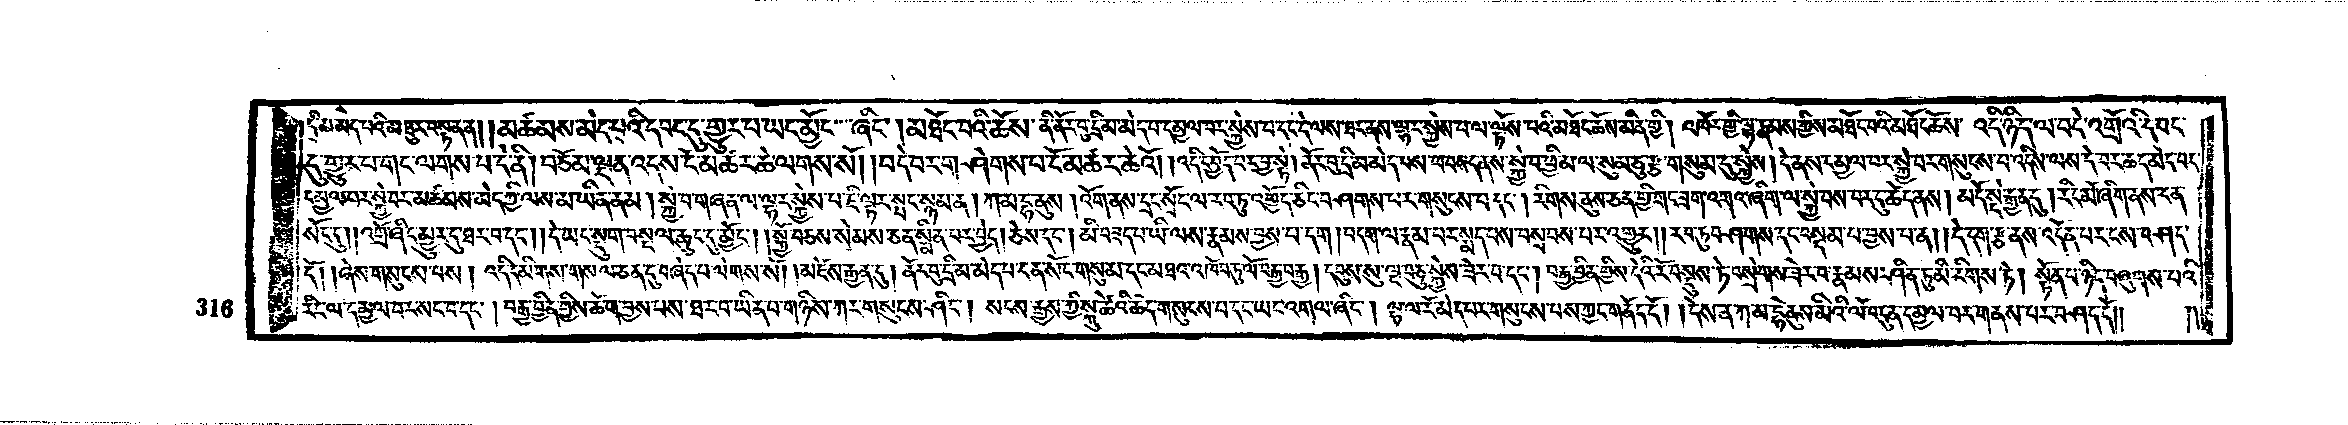དྲི་མ་མེད་པའི་མཐུར་བསྟན་ན། །མཚམས་མེད་པའི་དབང་དུ་གྱུར་པ་ཡང་མྱོང་ཞིང་། མཐོང་བའི་ཆོས་ནི་ནོར་བུ་དྲི་མ་མེད་པ་དམྱལ་བར་སྐྱེས་པ་དང་དེ་ལས་ཐར་ནས་ལྷར་སྐྱེས་པ་ལ་ལྟོས་པའི་མཐོང་ཆོས་མིན་གྱི། འཁོར་གྱི་ལྷ་རྣམས་ཀྱིས་མཐོང་བའི་མཐོང་ཆོས་འདི་ཉིད་ལ་བདེ་འགྲོའི་དབང་
དུ་གྱུར་པ་གང་ལགས་པ་དེ་ནི། བཅོམ་ལྡན་འདས་ངོ་མཚར་ཆེ་ལགས་སོ། །བདེ་བར་གཤེགས་པ་ངོ་མཚར་ཆེའོ། །འདི་དཔྱོད་པར་བྱ་སྟེ། ནོར་བུ་དྲི་མ་མེད་པས་ཕ་བསད་ནས་སྐྱེ་བ་ཕྱི་མ་ལ་སུམ་ཅུ་རྩ་གསུམ་དུ་སྐྱེས། དེ་ནས་དམྱལ་བར་སྐྱ་བར་གསུངས་པ་འདིས་ལས་དེ་བར་ཆད་མེད་པར་
དམྱལ་བར་སྐྱེ་བར་མཚམས་མེད་ཀྱི་ལས་མ་ཡིན་ནམ། སྐྱེ་བ་གཞན་ལ་ལྷར་སྐྱེས་པ་ཇི་ལྟར་སྤང་སྙམ་ན། ཀ་མ་དྷ་ནུས། འོག་ནས་དྲང་སྲོང་ལ་རབ་ཏུ་འགྱོད་ཅིང་བཤགས་པར་གསུངས་པ་དང་། རིགས་ནུས་ཅན་གྱི་གང་ཟག་འགའ་ཞིག་ལ་སྐྱེ་བས་བར་དུ་ཆོད་ནས། མདོ་སྡེ་རྒྱན་དུ། རིང་མོ་ཞིག་ནས་ངན་
སོང་དུ། །འགྲོ་ཞིང་མྱུར་དུ་ཐར་བ་དང་། །དེ་ཡང་སྡུག་བསྔལ་ཆུང་དུ་མྱོང་། །སྐྱོ་བཅས་སེམས་ཅན་སྨིན་པར་བྱེད། ཅེས་དང་། མི་བཟད་པ་ཡི་ལས་རྣམས་བྱས་པ་དག །བདག་ལ་རྣམ་པར་སྨད་པས་བསྲབས་པར་འགྱུར། །རབ་ཏུ་བཤགས་དང་བསྡམ་པ་བྱས་པ་ན། །དེ་དག་རྩ་ནས་འདོན་པར་ངས་བཤད་
དོ། །ཞེས་གསུངས་པས། འདི་དམིགས་གསལ་ཅན་དུ་བཞེད་པ་ལེགས་སོ། །མཛེས་རྒྱན་དུ། ནོར་བུ་དྲི་མ་མེད་པ་ངན་སོང་གསུམ་དང་མཐའ་འཁོབ་ཏུ་ལོ་བརྒྱ་བརྒྱ། དབུས་སུ་ལྔ་བཅུ་སྐྱེས་ཟེར་བ་དང་། བརྒྱ་བྱིན་གྱིས་དེའི་རོ་བསྡུས་ཏེ་བསྲེགས་ཟེར་བ་རྣམས་ཤིན་ཏུ་མི་རིགས་ཏེ། སྟོན་པ་ཉིད་བཞུགས་པའི་
རིང་ལ་དམྱལ་བར་སང་བ་དང་། བརྒྱ་བྱིན་གྱིས་ཆོ་ག་བྱས་པས་ཐར་བ་ཡིན་པ་གཉིས་ཀར་གསུངས་ཤིང་། སངས་རྒྱས་ཀྱི་སྐུ་ཚེའི་ཚད་གསུངས་པ་དང་ཡང་འགལ་ཞིང་། ལྷ་ལ་རོ་མེད་པར་གསུངས་པས་ཀྱང་གནོད་དོ། །དེས་ན་ཀ་མ་དྷེ་ནུས་མིའི་ལོ་བདུན་དམྱལ་བར་གནས་པར་བཤད་དོ།། །།